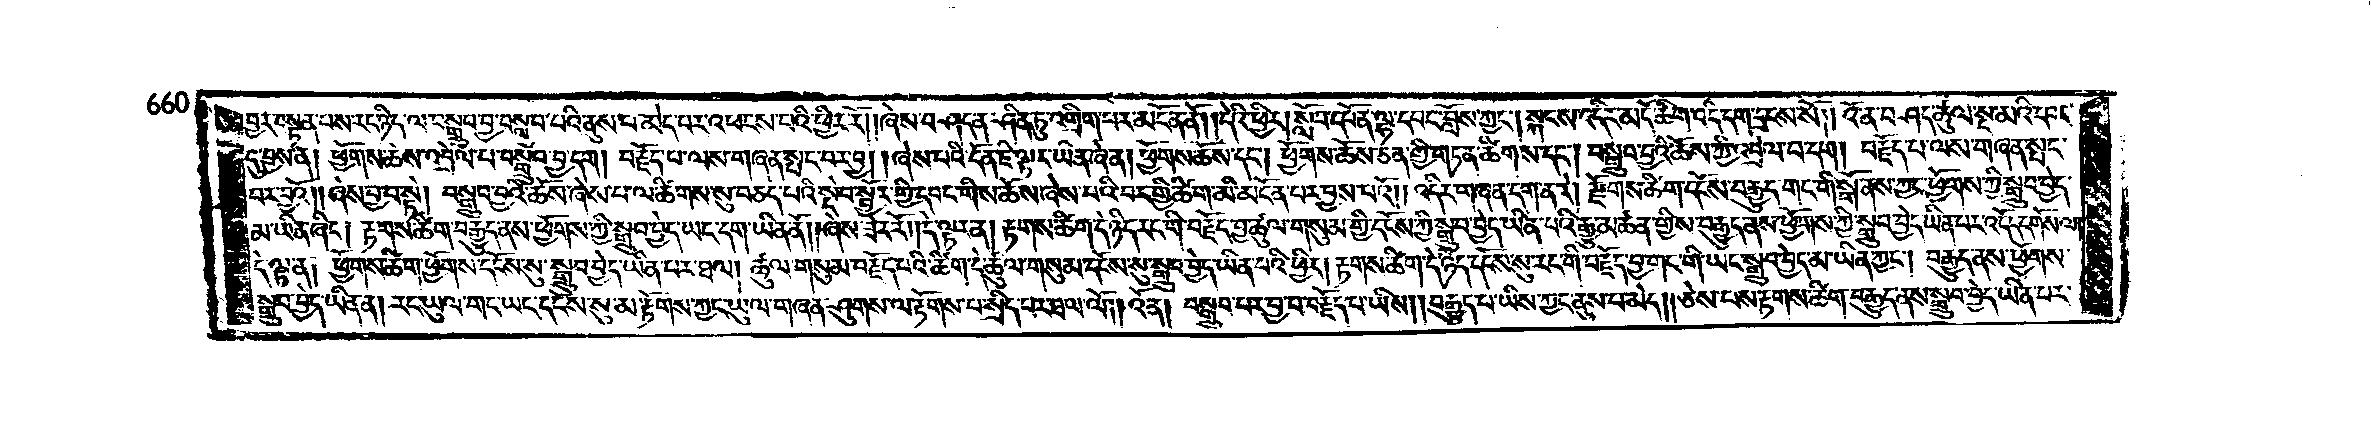བྱར་བསྟན་པས་རང་ཉིད་ལ་བསྒྲུབ་བྱ་བསླབ་པའི་ནུས་པ་མེད་པར་འཕངས་པའི་ཕྱིར་རོ། །ཞེས་བཤད་ན་ཤིན་ཏུ་འགྲིག་པར་མངོན་ནོ། །དེའི་ཕྱིར། སློབ་དཔོན་ལྷ་དབང་བློས་ཀྱང་། སྐབས་འདིར་མདོ་ཚིག་འདི་དག་དྲངས་སོ། །འོ་ན་བཤད་ཚུལ་སྔ་མའི་དབང་
དུ་བྱས་ན། ཕྱོགས་ཆོས་འབྲེལ་བ་བསྒྲུབ་བྱ་དག། བརྗོད་པ་ལས་གཞན་སྤང་བར་བྱ། ཞེས་པའི་དོན་ཇི་ལྟར་ཡིན་ཞེ་ན། ཕྱོགས་ཆོས་དང་། ཕྱོགས་ཆོས་ཅན་གྱི་གཏན་ཚིགས་དང་། བསྒྲུབ་བྱའི་ཆོས་ཀྱི་འབྲེལ་བ་དག། བརྗོད་པ་ལས་གཞན་སྤང་
བར་བྱའོ། །ཞེས་བྱ་བ་སྟེ། བསྒྲུབ་བྱའི་ཆོས་ཞེས་པ་ལ་ཚིགས་སུ་བཅད་པའི་སྡེབ་སྦྱོར་གྱི་དབང་གིས་ཆོས་ཞེས་པའི་བར་གྱི་ཚིག་མི་མངོན་པར་བྱས་པའོ། །འདིར་གཞན་དག་ན་རེ། རྫོགས་ཚིགས་དངོས་བརྒྱུད་གང་གི་སྒོ་ནས་ཀྱང་ཕྱོགས་ཀྱི་སྒྲུབ་བྱེད་
མ་ཡིན་ཞིང་། རྟགས་ཚིག་བརྒྱུད་ནས་ཕྱོགས་ཀྱི་སྒྲུབ་བྱེད་ཡང་དག་ཡིན་ནོ། །ཞེས་ཟེར་རོ། །དེ་ལྟར་ན། རྟགས་ཚིག་དེ་ཉིད་རང་གི་བརྗོད་བྱ་ཚུལ་གསུམ་གྱི་དངོས་ཀྱི་སྒྲུབ་བྱེད་ཡིན་པའི་རྒྱུ་མཚན་གྱིས་བརྒྱུད་ནས་ཕྱོགས་ཀྱི་སྒྲུབ་བྱེད་ཡིན་པར་འདོད་དགོས་ལ།
དེ་ལྟ་ན། ཕྱོགས་ཚིག་ཕྱོགས་དངོས་སུ་སྒྲུབ་བྱེད་ཡིན་པར་ཐལ། ཚུལ་གསུམ་བརྗོད་པའི་ཚིག་དེ་ཚུལ་གསུམ་དངོས་སུ་སྒྲུབ་བྱེད་ཡིན་པའི་ཕྱིར། རྟགས་ཚིག་དེ་ཉིད་དངོས་སུ་རང་གི་བརྗོད་བྱ་གང་གི་ཡང་སྒྲུབ་བྱེད་མ་ཡིན་ཀྱང་། བརྒྱུད་ནས་ཕྱོགས་
སྒྲུབ་བྱེད་ཡིན་ན། རང་ཡུལ་གང་ཡང་དངོས་སུ་མ་རྟོགས་ཀྱང་ཡུལ་གཞན་ཤུགས་ལ་རྟོགས་པ་སྲིད་པར་ཐལ་ལོ། །འོ་ན། བསྒྲུབ་པར་བྱ་བ་བརྗོད་པ་ཡིས། །བརྒྱུད་པ་ཡིས་ཀྱང་ནུས་པ་མེད། །ཅེས་པས་རྟགས་ཚིག་བརྒྱུད་ནས་སྒྲུབ་བྱེད་ཡིན་པར་